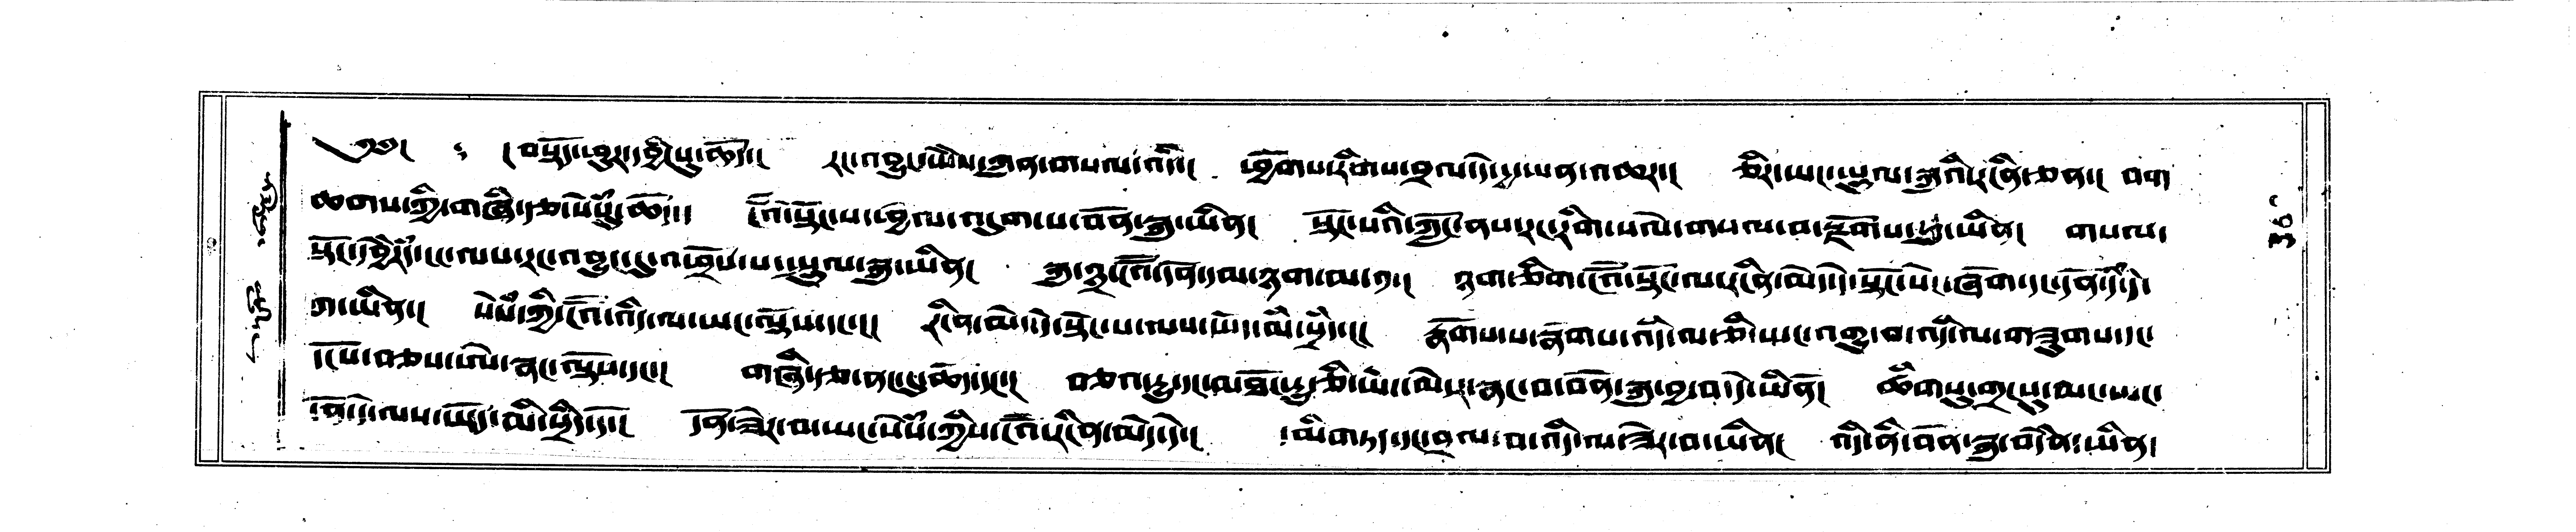བརྟོད་ཕུར་དབྱིངས་སུ་ཆོད། རང་འབྱུང་ཡེ་ཤེས་ཀུན་གསལ་འདི། ཕྱོགས་རིས་བྲལ་ཏེ་རྒྱ་ཡན་འཆར། ཅིར་ཡང་སྤྲུལ་སྐུའི་རང་བཞིན་ཅན། བག་
ཆགས་ཀྱི་གཞི་རྩ་སེམས་སུ་ཆོད། ངོའོ་སྟོང་པ་ཕྱ་ལེར་འདུག་པ་བོན་སྐུ་ཡིན། སྟོང་པའི་ཀློང་ན་རང་རིག་སལེ་གསལ་བ་རྫོགས་སྐུ་ཡིན། གསལ་
སྟོང་དབྱེར་མེད་ཀྱིས་ངང་ནས་རང་འབྱུང་དུ་འཕྲོ་བ་སྤྲུལ་སྐུ་ཡིན། སྐུ་གསུམ་ངོའོ་དོན་དམ་ཉག་མ་ཅིག ཉག་ཅིག་ངོའོ་སྟོང་ལ་རང་བཞིན་མེད་དེ་སང་ངེ་ཞོག་དང་དོན་དམ་དེ་
ཀ་ཡིན། སེམས་ཉིད་ངོའོ་འདི་ལ་ཡང་ཡང་ལྟོས་དང་། རང་བཞིན་མེད་དེ་སྟོང་པ་ལས་ཡོད་མི་སྲིད། རྟོག་པ་སྣ་ཚོགས་ཅི་ཡང་འགྱུ་བ་འདི་ལ། གཟུགས་དང་
དངོས་བཅས་ཨེ་སྣང་ལྟོས་དང་། གཞི་རྩ་ནང་དུ་ཆོད་དང་། བཅས་རྒྱུ་དང་མཐོང་རྒྱུ་ཅི་ཡང་མེད་པར་སྣང་ན། བོན་སྐུ་བྱ་བ་དེ་ཡིན་ནོ། ཚིགས་སུ་གྲངས་མང་ཡང་། 
དོན་དེ་ལས་ཡོད་མི་སྲིད་དོ། དོན་ཟེར་བ་ཡང་བསམ་མཁན་ངོའོ་{ཀྱིས}་རང་བཞིན་མེད་དེ། དམིགས་གཏད་དང་བྲལ་བ་འདི་ལ་ཟེར་བ་ཡིན། འདི་ནི་བོན་སྐུ་བདག་མེད་ཡིན།